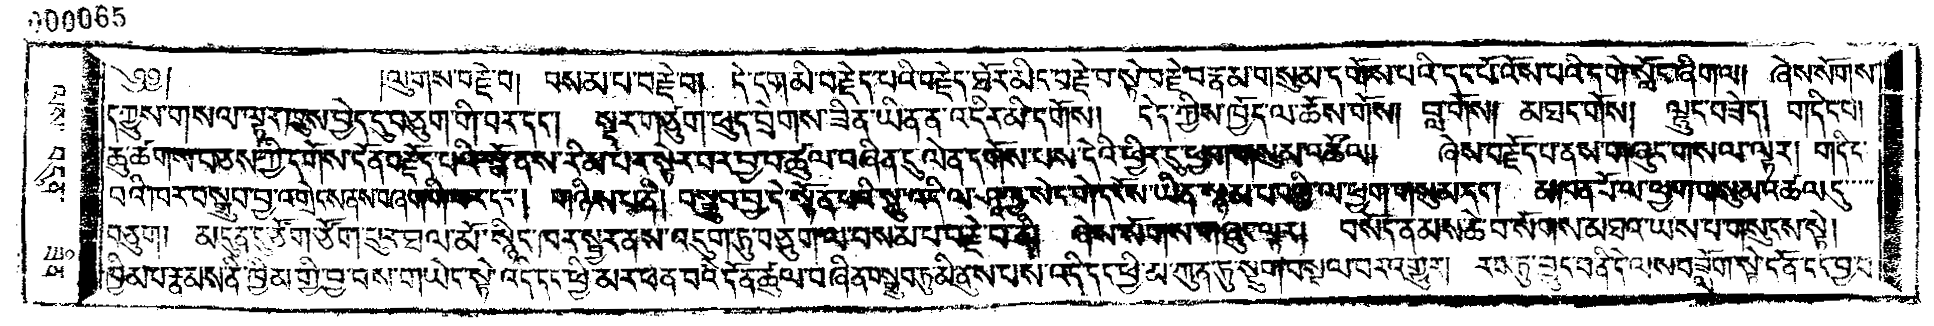༄༅། །ལུགས་བརྗེ་བ། བསམ་པ་བརྗེ་བ། དེ་དག་མི་བརྗེད་པའི་བརྗེད་ཐོར་མིང་བརྗེ་བ་སྟེ་བརྗེ་བ་རྣམ་གསུམ་དགོས་པའི་དང་པོ་འོས་པའི་དགེ་སློང་ཞིག་ལ། ཞེས་སོགས་
དཀྱུས་གསལ་ལྟར་ཁྲུས་བྱེད་དུ་བཅུག་གི་བར་དང་། སྔར་གཙུག་ཕུད་བྲེགས་ཟིན་ཡིན་ན་འདིར་མི་དགོས། ངེད་ཀྱིས་ཁྱོད་ལ་ཆོས་གོས། བླ་གོས། མཐང་གོས། ལྷུང་བཟེད། གདིང་བ།
ཆུ་ཚགས་བཅས་ཀྱི་དགོས་དོན་བརྗོད་པའི་སྒོ་ནས་རིམ་པར་སྟེར་བར་བྱ་བ་ཚུལ་བཞིན་དུ་ལེན་དགོས་པས་དེའི་ཕྱིར་དུ་ཕྱག་གསུམ་འཚོལ། ཞེས་བརྗོད་པ་ནས་གཞུང་གསལ་ལྟར། གདིང་
བའི་ཁར་བསྒྲུབ་བྱ་འགྲེངས་ནས་བཞག་གི་བར་དང་། གཉིས་པ་ནི། བསྒྲུབ་བྱ་དེ་སྟོན་པའི་སྐུ་འདི་ལ་ཤཱཀྱ་སེང་གེ་དངོས་ཡིན་སྙམ་པ་བགྱི་ལ་ཕྱག་གསུམ་དང་། མཁན་པོ་ལ་ཕྱག་གསུམ་འཚལ་དུ་
བཅུག །མདུན་དུ་ཙོག་ཙོག་པུར་ཐལ་མོ་སྙིང་ཁར་སྦྱར་ནས་འདུག་ཏུ་བཅུག་ལ་བསམ་པ་བརྗེ་བ་ནི། ཞེས་སོགས་གཞུང་ལྟར། བསོད་ནམས་ཆེ་བ་སོགས་མཐའ་ཡས་པ་གསུངས་སྟེ།
ཁྱིམ་པ་རྣམས་ནི་ཁྱིམ་གྱི་བྱ་བས་གཡེང་སྟེ་འདི་དང་ཕྱི་མར་ཕན་བའི་དོན་ཚུལ་བཞིན་བསྒྲུབ་ཏུ་མི་ནུས་པས་འདི་དང་ཕྱི་མ་ཀུན་ཏུ་སྡུག་བསྔལ་བར་འགྱུར། རབ་ཏུ་བྱུང་བ་ནི་དེ་ལས་བཟློག་སྟེ་དོན་དང་བྱ་བ་